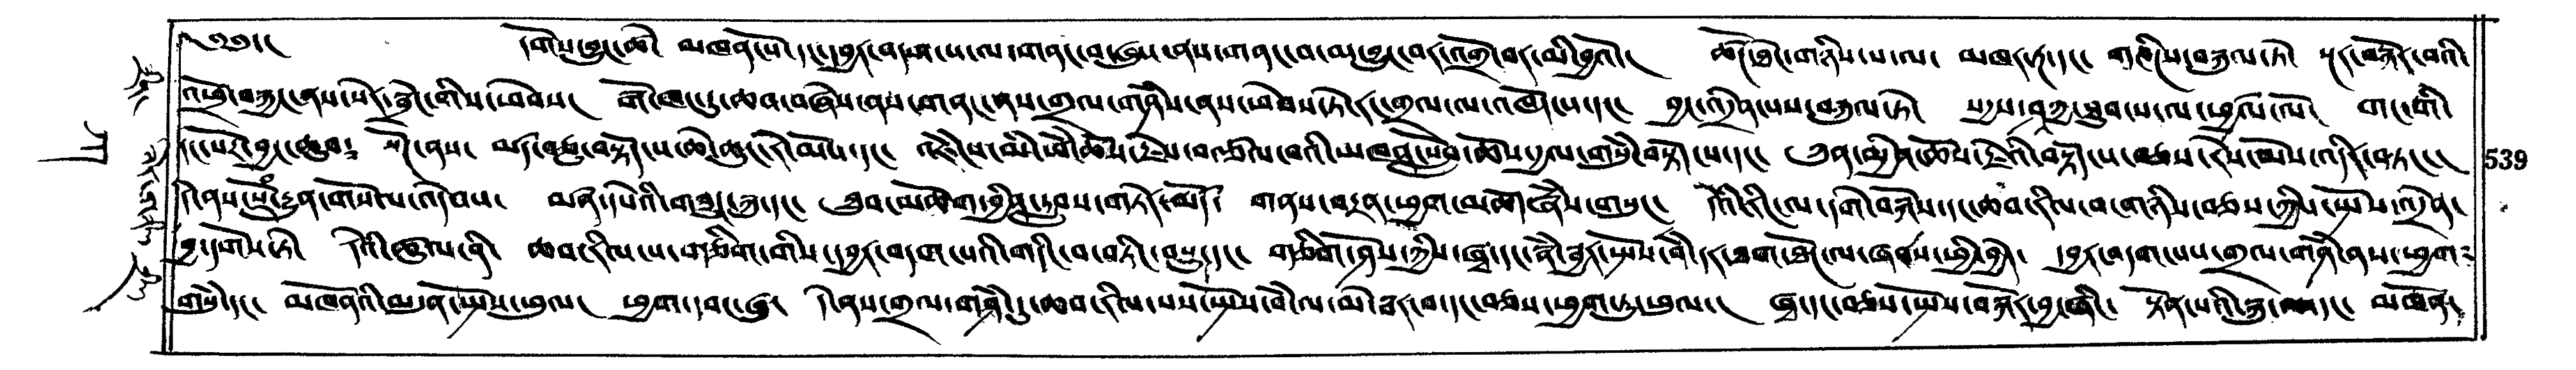དགོས་བྱུང་ཚེ། མཁན་པོ་དང་དབྱར་བདག་པ་ལ་གནང་བ་ཞུས་ནས་གནང་བ་མ་བྱུང་བར་འགྲོ་བར་མི་བྱའོ།། ཚོགས་ཐེངས་གཉིས་པ་ལ། མཁར་རྔ་དང་། གཎྜིས་བསྐུལ་ཏེ། སྔར་བསྐོར་བའི་
འཕྲོ་བསྐྱང་ནས་སེར་སྦྲེངས་ཀྱིས་ཕེབས། སྒོ་ཁང་དུ་ཆབ་བཞེས་གནང་ནས་གྲལ་གཤམས་ནས་ཕེབས་ཏེ་རང་གྲལ་ལ་འཁོད་པ་དང་། བྱང་འདྲེན་པས་བསྐུལ་ཏེ། སངས་རྒྱས་ཤཱཀྱ་ཐུབ་པ་ལ་ཕྱག་འཚལ་ལོ།། གང་གིས་
དང་པོར་བྱང་ཆུབ༴ སོགས་ནས། མཛད་བཅུ་བསྟོད་པ་ཆེ་ཆུང་རེ་མོས་དང་། འཇམ་དབྱངས་མི་ཕམ་ཆོས་རྗེས་བརྩམས་པའི་མཁན་སློབ་ཆོས་རྒྱལ་གསུམ་གྱི་བསྟོད་པ་དང་། ཀུན་མཁྱེན་ཆོས་རྗེའི་བསྟོད་པ་བཅས་རེས་མོས་འདིར་བཏང་། 
དེ་ནས་སྡོམ་རྒྱུན་གསོལ་འདེབས། མཚན་དཔེའི་གཟུགས་སྐུ་དང་། ཐུབ་མཆོག་བྱིན་རླབས་གཏེར་མཛོད། གནས་བརྟན་ཕྱག་མཆོད་རྣམས་གསུངས། དེའི་རིང་ལ་དགེ་སྐོས་དང་ཆབ་རིལ་བ་གཉིས་བཅས་ཀྱིས་སྤོས་འདྲེན་
བྱ་དགོས་ཏེ། དེའི་ཚུལ་ནི། ཆབ་རིལ་པ་གཅིག་གིས་དབྱར་བདག་པའི་གདིང་བ་བཏིང་བསྡུ་དང་། གཅིག་ཤོས་ཀྱིས་ཞྭ་དང་སྣམ་སྦྱར་སྤོས་བམ་དར་ཐག་ཐོགས་ལ་ཞབས་ཕྱི་བྱེད། དབྱར་བདག་པས་གྲལ་གཤམ་ནས་ཕྱག་
གསུམ་དང་། མཁན་པོའི་མདུན་སྤོས་ཕུལ། ཕྱག་དབང་ཞུ། དེ་ནས་གྲལ་གཤམ་དུ་ཆབ་རིལ་པས་སྤོས་བམ་ལ་མེ་སྦར་བ་དང་བཅས་ཕྱག་ཏུ་ཕུལ། ཞྭ་དང་བཅས་སྤོས་བསྐོར་བྱ་ཞིང་། སྟོན་པའི་སྐུ་དང་། མཁན་པོ་